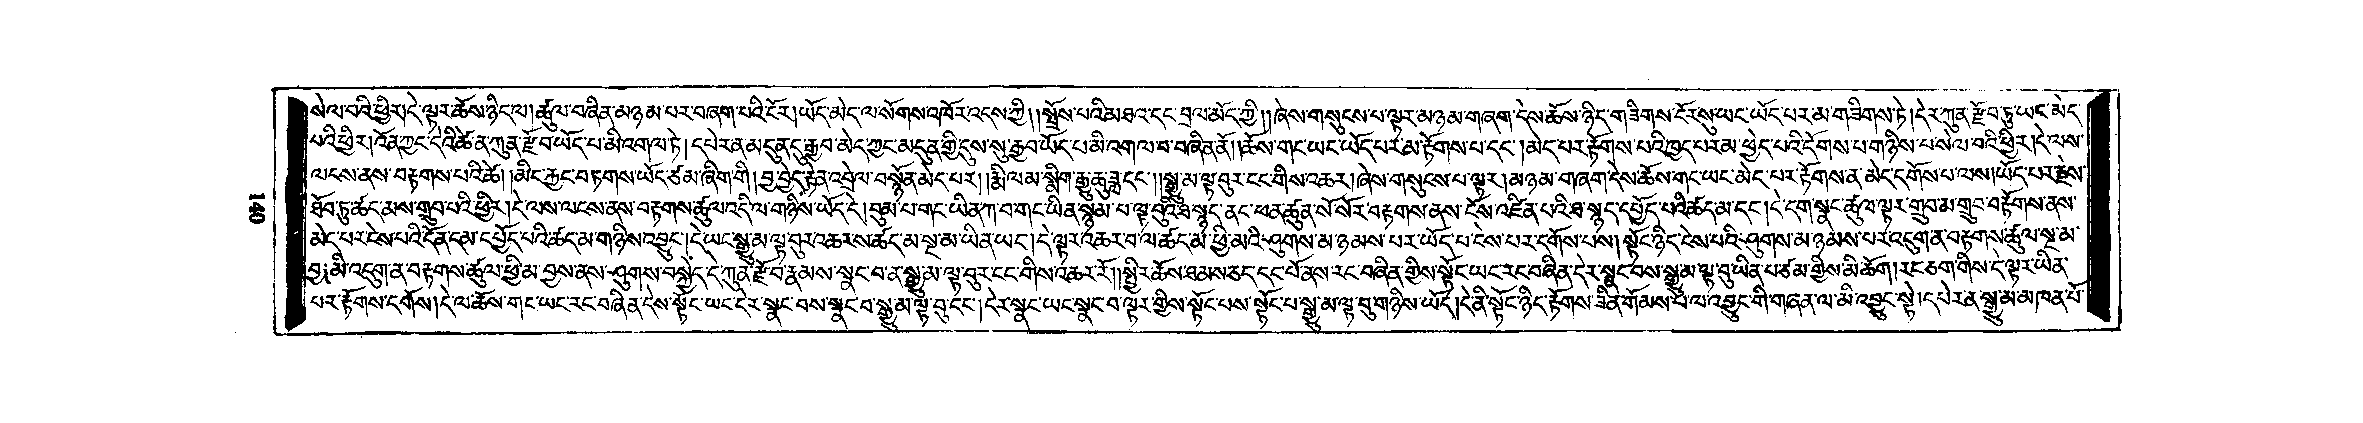སེལ་བའི་ཕྱིར། དེ་ལྟར་ཆོས་ཉིད་ལ། ཚུལ་བཞིན་མཉམ་པར་བཞག་པའི་ངོར། ཡོད་མེད་ལ་སོགས་འཁོར་འདས་ཀྱི། །སྤྲོས་པའི་མཐའ་དང་བྲལ་མོད་ཀྱི། །ཞེས་གསུངས་པ་ལྟར་མཉམ་གཞག་དེས་ཆོས་ཉིད་གཟིགས་ངོར་སུ་ཡང་ཡོད་པར་མ་གཟིགས་ཏེ། དེར་ཀུན་རྫོབ་ཏུ་ཡང་མེད་
པའི་ཕྱིར། འོ་ན་ཀྱང་དེའི་ཚེ་ན་ཀུན་རྫོབ་ཡོད་པ་མི་འགལ་ཏེ། དཔེར་ན་མདུན་དུ་རྒྱབ་མེད་ཀྱང་མདུན་གྱི་དུས་སུ་རྒྱབ་ཡོད་པ་མི་འགལ་བ་བཞིན་ནོ། །ཆོས་གང་ཡང་ཡོད་པར་མ་རྟོགས་པ་དང་། མེད་པར་རྟོགས་པའི་ཁྱད་པར་མ་ཕྱེད་པའི་དོགས་པ་གཉིས་པ་སེལ་བའི་ཕྱིར། དེ་ལས་
ལངས་ནས་བརྟགས་པའི་ཚེ། །མིང་རྐྱང་བཏགས་ཡོད་ཙམ་ཞིག་གི །བྱ་བྱེད་རྟེན་འབྲེལ་བསྙོན་མེད་པར། །རྨི་ལམ་སྨིག་རྒྱུ་ཆུ་ཟླ་དང་། །སྒྱུ་མ་ལྟ་བུར་ངང་གིས་འཆར། ཞེས་གསུངས་པ་ལྟར། མཉམ་གཞག་དེས་ཆོས་གང་ཡང་མེད་པར་རྟོགས་ན་མེད་དགོས་པ་ལས་ཡོད་པར་རྗེས་
ཐོབ་ཏུ་ཚད་མས་གྲུབ་པའི་ཕྱིར། དེ་ལས་ལངས་ནས་བརྟགས་ཚུལ་འདི་ལ་གཉིས་ཡོད་དེ། བུམ་པ་གང་ཡིན་ཀ་བ་གང་ཡིན་སྙམ་པ་ལྟ་བུའི་ཐ་སྙད་ནང་ཕན་ཚུན་སོ་སོར་བརྟགས་ནས་ངོས་འཛིན་པའི་ཐ་སྙད་དཔྱོད་པའི་ཚད་མ་དང་། དེ་དག་སྣང་ཚུལ་ལྟར་གྲུབ་མ་གྲུབ་བརྟོགས་ནས་
མེད་པར་ངེས་པའི་དོན་དམ་དཔྱོད་པའི་ཚད་མ་གཉིས་འབྱུང་། དེ་ཡང་སྒྱུ་མ་ལྟ་བུར་འཆར་ས་ཚད་མ་སྔ་མ་ཡིན་ཡང་། དེ་ལྟར་འཆར་བ་ལ་ཚད་མ་ཕྱི་མའི་ཤུགས་མ་ཉམས་པར་ཡོད་པ་ངེས་པར་དགོས་པས། སྟོང་ཉིད་ངེས་པའི་ཤུགས་མ་ཉམས་པར་འདུག་ན་བརྟགས་ཚུལ་སྔ་མ་
བྱ། མི་འདུག་ན་བརྟགས་ཚུལ་ཕྱི་མ་བྱས་ནས་ཤུགས་བསྐྱེད་དེ་ཀུན་རྫོབ་རྣམས་སྣང་བ་ན་སྒྱུ་མ་ལྟ་བུར་ངང་གིས་འཆར་རོ། །སྤྱིར་ཆོས་ཐམས་ཅད་དང་པོ་ནས་རང་བཞིན་གྱིས་སྟོང་ཡང་རང་བཞིན་དེར་སྣང་བས་སྒྱུ་མ་ལྟ་བུ་ཡིན་པ་ཙམ་གྱིས་མི་ཆོག་རང་ཅག་གིས་དེ་ལྟར་ཡིན་
པར་རྟོགས་དགོས། དེ་ལ་ཆོས་གང་ཡང་རང་བཞིན་དེས་སྟོང་ཡང་དེར་སྣང་བས་སྣང་བ་སྒྱུ་མ་ལྟ་བུ་དང་། དེར་སྣང་ཡང་སྣང་བ་ལྟར་གྱིས་སྟོང་པས་སྒྱུ་མ་ལྟ་བུ་གཉིས་ཡོད། དེ་ནི་སྟོང་ཉིད་རྟོགས་ཟིན་གོམས་པ་ལ་འབྱུང་གི་གཞན་ལ་མི་འབྱུང་སྟེ། དཔེར་ན་སྒྱུ་མ་མཁན་པོ་